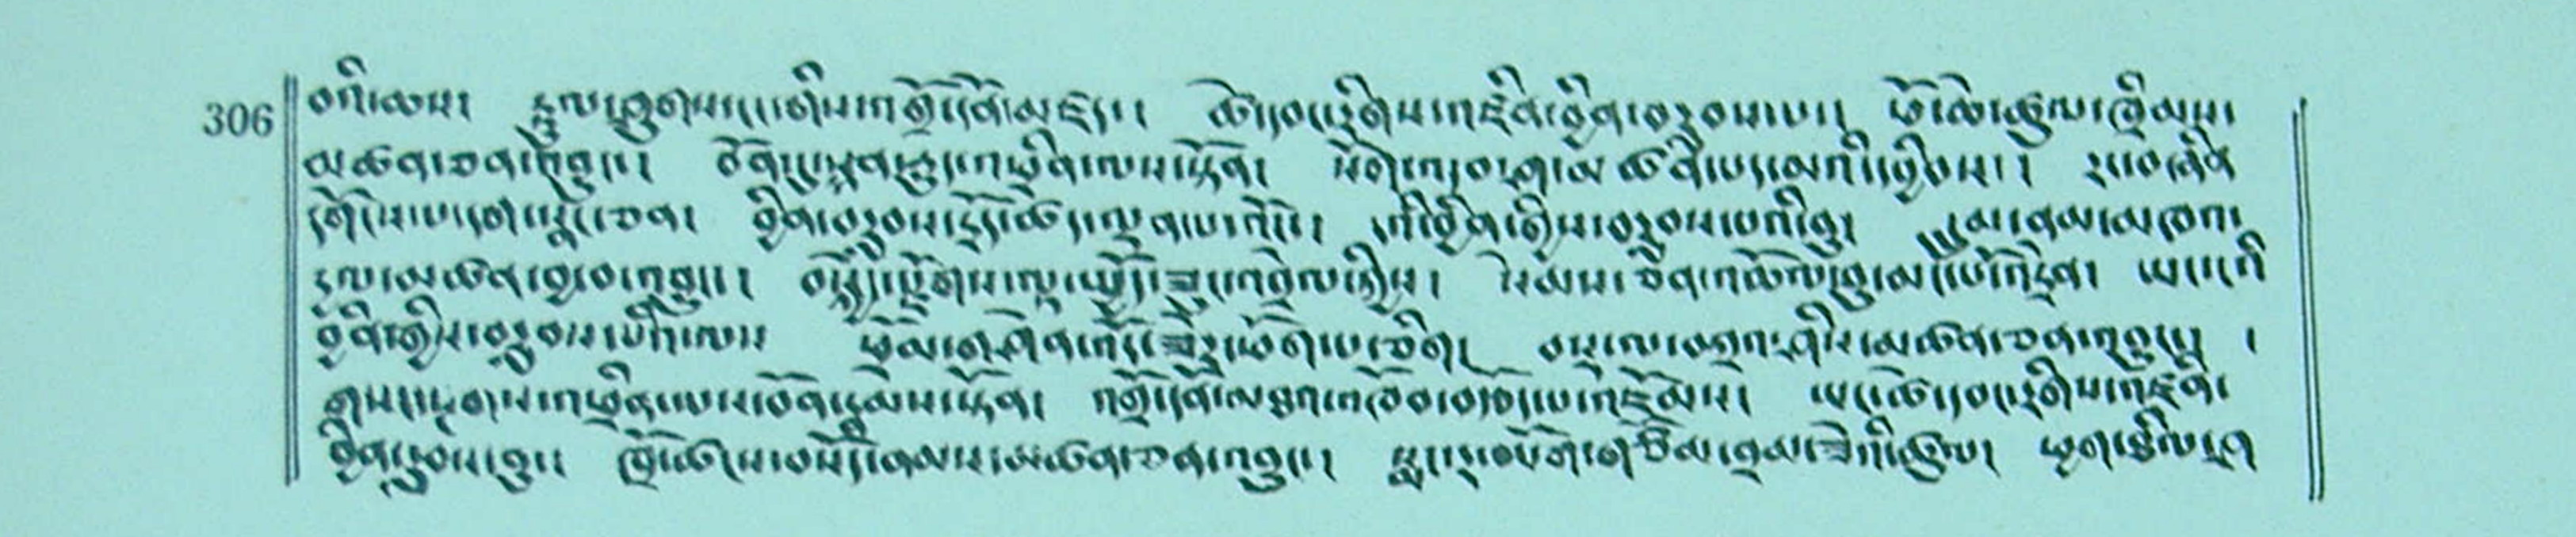བའི་ཆས། རྟུལ་ཤུགས་ངང་གིས་འགྲོ་དོན་མཛད། ཚེ་དབང་རིགས་འཛིན་བྱིན་རླབས་པ། ཕོ་ཆེ་ཚུལ་ཁྲིམས་
མཚན་ཅན་འབྱུང་། བོན་དུ་སྙན་རྒྱུད་ཕྲིན་ལས་སྟོན། སོག་འདབ་ཤ་མཚན་པད་མའི་དབྱིབས། རང་བཞིན་
དགོངས་པ་དག་སྣང་ཅན། བྱིན་རླབས་དྲོད་ཚད་ལྡན་པ་འོང་། ང་ཡིས་བྱིན་གྱིས་རླབས་པའི་བུ། དྲུམ་ནམ་མཁའ་
རྒྱལ་མཚན་བྱ་བ་འབྱུང་། བསྐྱེད་རྫོགས་ལྟ་སྤྱོད་ཟུང་འབྲེལ་གྱིས། སེམས་ཅན་འཆོལ་བུ་མང་པོ་འདྲེན། ཡང་ངའི་
བྱིན་གྱིས་རླབས་པའི་ལས། ཕྲོམ་གཤེན་འོད་ཟེར་ཕོག་པ་གཅིག བསྡ་ལ་བཀྲ་ཤིས་མཚན་ཅན་འབྱུང་། 
གསང་སྔགས་འཕྲིན་ལས་བོན་རྣམས་སྟོན། འགྲོ་དོན་མཐའ་འཁོབ་རྩོད་པ་འཇོམས། ཡང་ཚེ་དབང་རིགས་འཛིན་
བྱིན་རླབས་བུ། ཁྲོ་ཚང་བསོད་ནམས་མཚན་ཅན་འབྱུང་། སྨང་ར་ཨག་ཙོམ་བྲམ་ཟེའི་ཚུལ། ཕྱག་འཐིལ་ཤ་